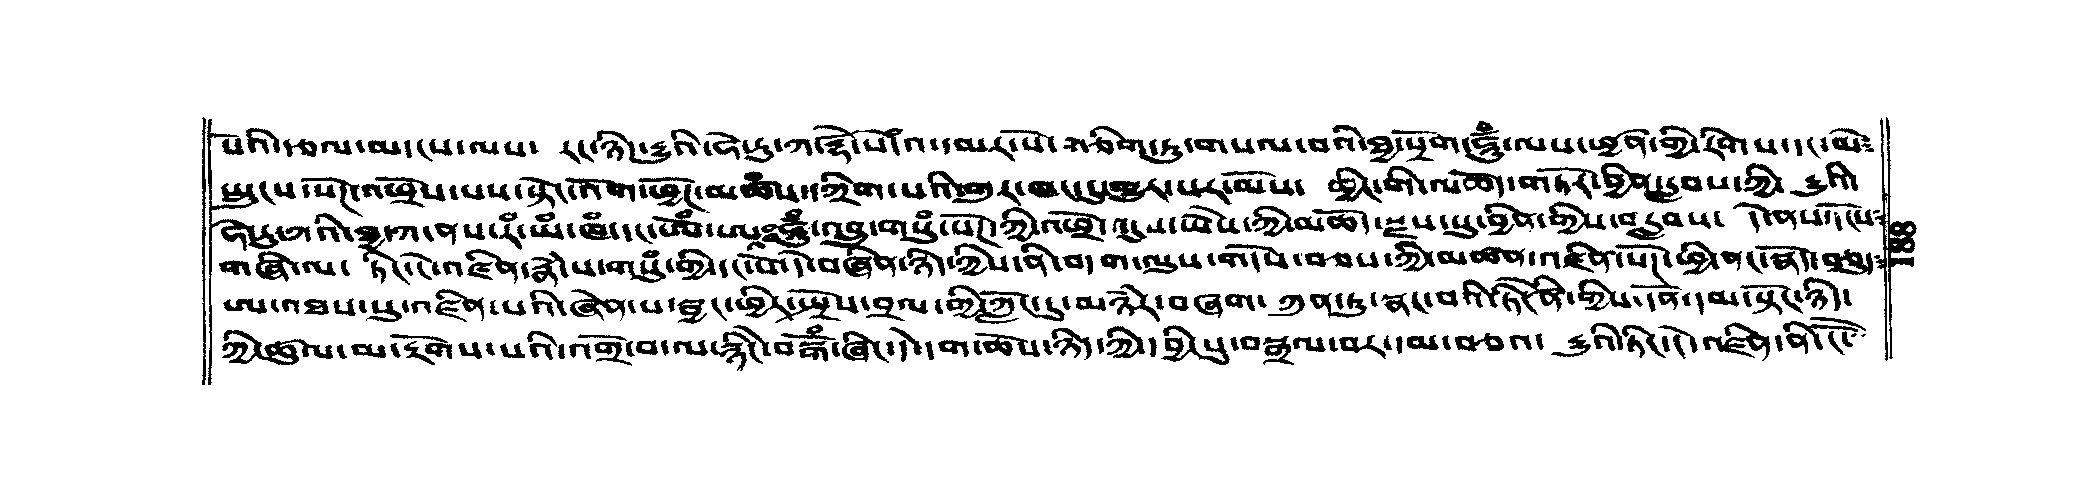པོའི་རྩལ་མདངས་ལས། རང་ཉིད་རྒྱུའི་ཧེ་རུ་ཀ་རྡོ་རྗེ་སེམས་དཔའ་དམར་པོ་གཅིག་ཏུ་གསལ་བའི་ཐུགས་སྲོག་ཧཱུྃ་ལས་ཕྱག་མཚན་གྱི་རིག་པ་དང་མེ་
སྤུངས་སོགས་འཕྲོས་པས་སྟོང་འོག་ཕྱོགས་མཚམས་དཀྲིག་པའི་གུར་ཁང་དུ་གྱུར་པར་མོས། ཕྱི་ནང་གི་མཆོད་གཏོར་བྱིན་རླབས་ཀྱི། རྒྱུའི་
ཧེ་རུ་ཀའི་ཐུགས་ཀ་ནས་རཾ་ཡཾ་ཁཾ་དང་ཨོཾ་ཨཱཿཧཱུྃ་འབྲུ་གསུམ་སོགས་ཀྱི་འཕྲོ་འདུས་ཡེ་ཤེས་ཀྱི་མཆོད་རྫས་སུས་བྱིན་གྱིས་བརླབས། དེ་ནས་དངོས་
གཞི་ལ། ཏིང་ངེ་འཛིན་རྣམ་པ་གསུམ་གྱི་དང་པོ་དེ་བཞིན་ཉིད་ཀྱིས་ནི་བདག་ལུས་གདོས་བཅས་ཀྱི་མཚན་འཛིན་སོགས་ཕྱི་ནང་སྣོད་བཅུད་
ཨ་འཐས་སུ་འཛིན་པའི་ཞེན་པ་སྦྱང་ཕྱིར་སྤྲོས་བྲལ་གྱི་ཀློང་དུ་མཉམ་པར་བཞགཀུན་ཏུ་སྣང་བའི་ཏིང་ངེ་འཛིན་གྱིས་དོན་དམ་སྟོང་ཉིད་
ཀྱི་ཚུལ་མ་རྟོགས་པའི་འགྲོ་བ་ལ་སྙིང་རྗེ་བསྒོམ་ཞིང་དེ་དག་ཆོས་ཉིད་ཀྱི་དབྱིངས་སུ་བསྒྲལ་བར་དམ་བཅའ། རྒྱུའི་ཏིང་ངེ་འཛིན་ནི་ངོ་བོ་